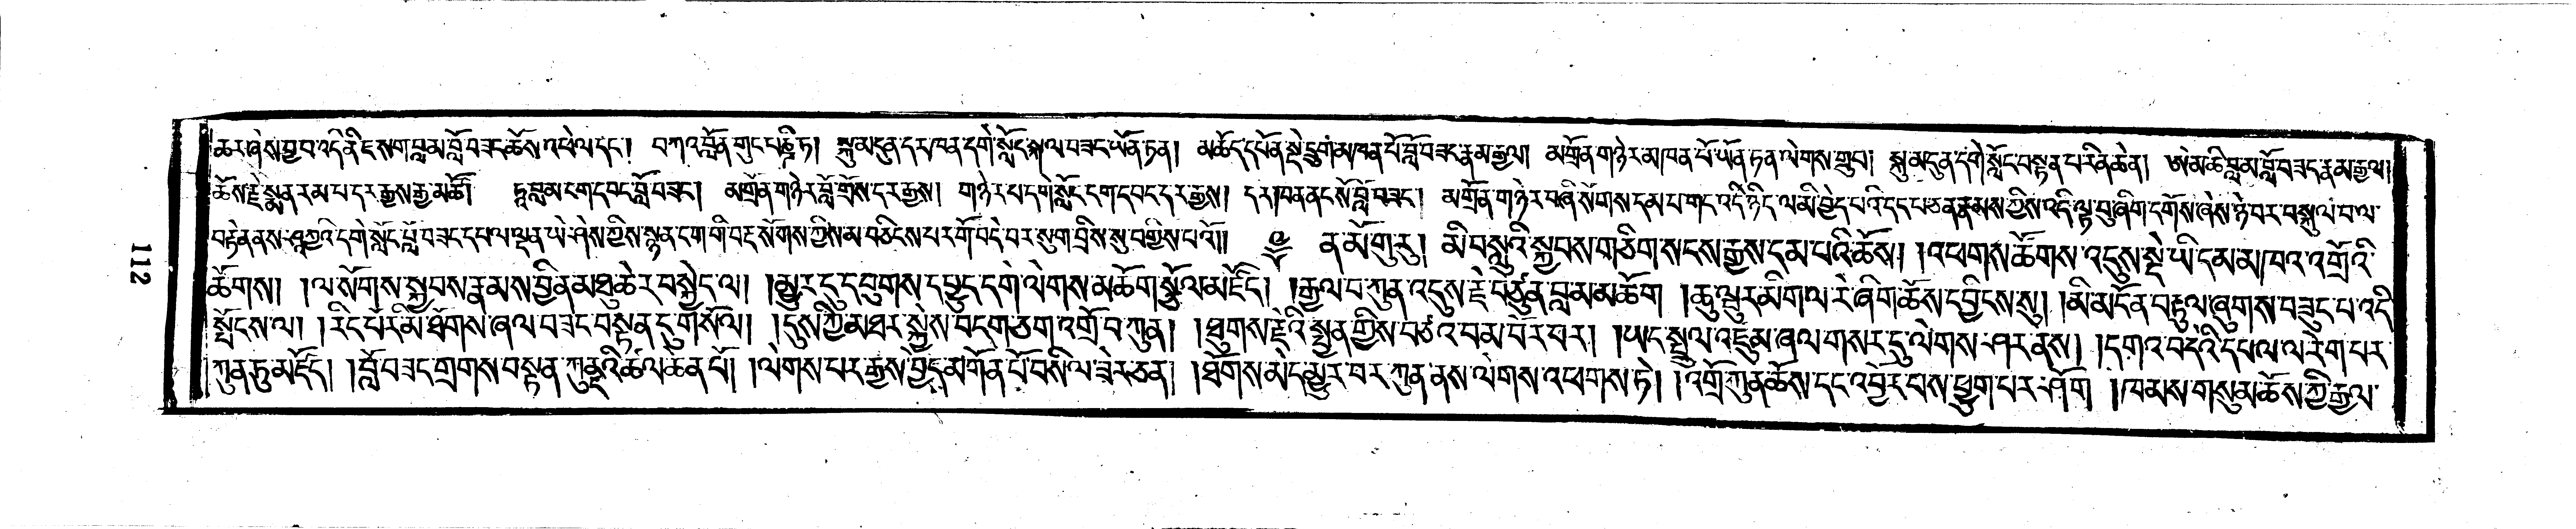ཆར་ཞེས་བྱ་བ་འདི་ནི་ཇ་སག་བླ་མ་བློ་བཟང་ཆོས་འཕེལ་དང་། བཀའ་བློན་གུང་པཎྜི་ཏ། སྐུ་མདུན་དར་ཁན་དགེ་སློང་སྐལ་བཟང་ཡོན་ཏན། མཆོད་དཔོན་སྡེ་དྲུག་མཁན་པོ་བློ་བཟང་རྣམ་རྒྱལ། མགྲོན་གཉེར་མཁན་པོ་ཡོན་ཏན་ལེགས་གྲུབ། སྐུ་མདུན་དགེ་སློང་བསྟན་པ་རིན་ཆེན། ཨེ་མ་ཆི་བླ་མ་བློ་བཟང་རྣམ་རྒྱལ།
ཆོས་རྗེ་སྨན་རམ་པ་དར་རྒྱས་རྒྱ་མཚོ། ཏཱ་བླ་མ་ངག་དབང་བློ་བཟང་། མགྲོན་གཉེར་བློ་གྲོས་དར་རྒྱས། གཉེར་པ་དགེ་སློང་དག་དབང་དར་རྒྱས། དར་ཁན་ནང་སོ་བློ་བཟང་། མགྲོན་གཉེར་བཞི་སོགས་དམ་པ་གནག་འདི་ཉིད་ལ་མི་བྱེད་པའི་དང་པ་ཅན་རྣམས་ཀྱིས་འདི་ལྟ་བུ་ཞིག་དགོས་ཞེས་ཉེར་བར་བསྐུལ་བ་ལ་
བརྟེན་ནས་ཤཱཀྱའི་དགེ་སློང་བློ་བཟང་དཔལ་ལྡན་ཡེ་ཤེས་ཀྱིས་སྙན་ངག་གི་བརྡ་སོགས་ཀྱིས་མ་བཅིངས་པར་གོ་བདེ་བར་སུག་བྲིས་སུ་བགྱིས་པའོ།། ༈ ན་མོ་གུ་རུ། མི་བསླུའི་སྐྱབས་གཅིག་སངས་རྒྱས་དམ་པའི་ཆོས། །འཕགས་ཚོགས་འདུས་སྡེ་ཡི་དམ་མཁའ་འགྲོའི་
ཆོགས། །ལ་སོགས་སྐྱབས་རྣམས་བྱིན་མཐུ་ཆེར་བསྐྱེད་ལ། །མྱུར་དུ་དབུགས་དབྱུང་དགེ་ལེགས་མཆོག་སྩོལ་མཛོད། །རྒྱལ་བ་ཀུན་འདུས་རྗེ་བཙུན་བླ་མ་མཆོག །ཆུ་ཝུར་མིག་ལ་རེ་ཞིག་ཆོས་དབྱིངས་སུ། །མི་མངོན་བརྟུལ་ཞུགས་བཟུང་པ་འདི་
སྤོངས་ལ། །རིང་པོ་རིམ་ཐོགས་ཞལ་བཟང་བསྟན་དུ་གསོལ། །དུས་ཀྱི་མཐར་སྐྱེས་བདག་ཅག་འགྲོ་བ་ཀུན། །ཐུགས་རྗེའི་སྤྱན་གྱིས་བཙའ་བ་མ་བོར་བར། །ཡང་སྤྲུལ་འཛུམ་ཞལ་གསར་དུ་ལེགས་ཤར་ནས། །དགའ་བདེའི་དཔལ་ལ་རེག་པར་
ཀུན་ཏུ་མཛོད། །བློ་བཟང་གྲགས་བསྟན་ཀུནྡའི་ཚལ་ཆེན་པོ། །ལེགས་པར་རྒྱས་བྱེད་མགོན་པོ་བསིལ་ཟེར་ཅན། །ཐོགས་མེད་མྱུར་བར་ཀུན་ནས་ལེགས་འཕགས་ཏེ། །འགྲོ་ཀུན་ཆོས་དང་འབྱོར་བས་ཕྱུག་པར་ཤོག །ཁམས་གསུམ་ཆོས་ཀྱི་རྒྱལ་